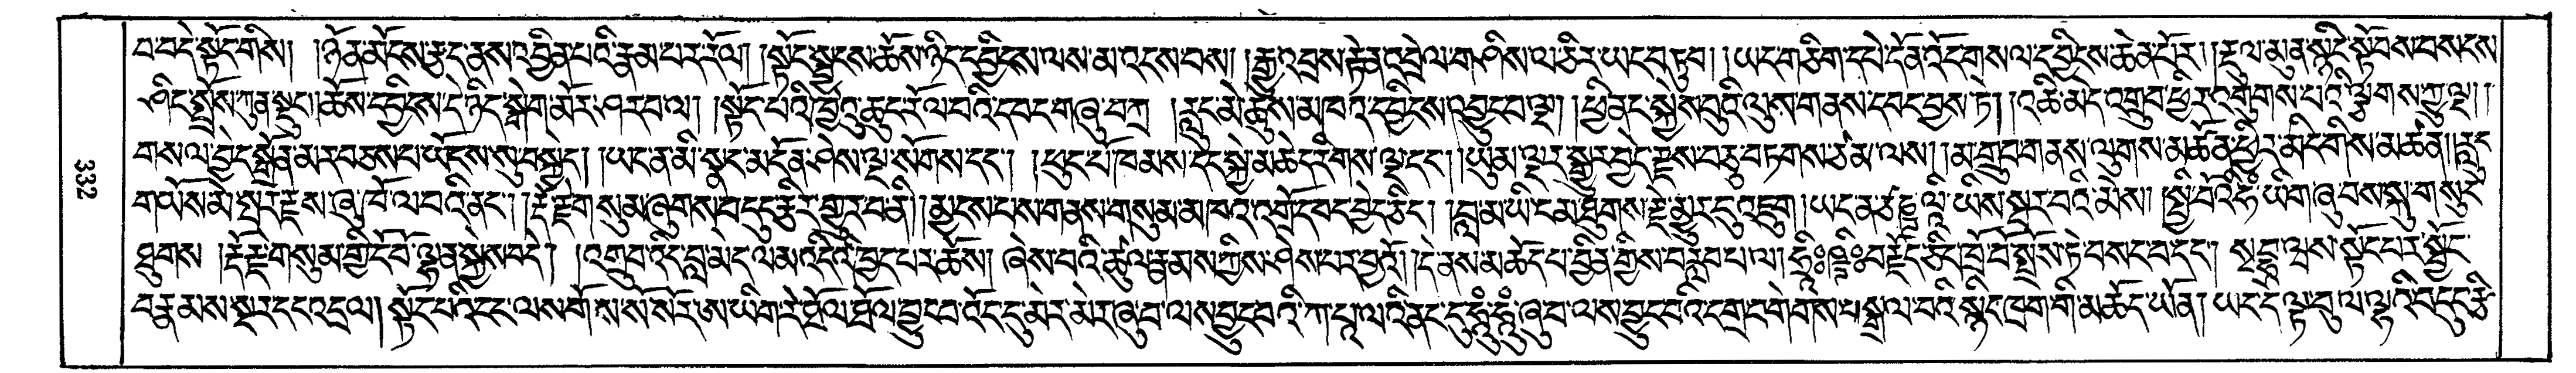བ་བདེ་སྟོང་གིས། །ཉོན་མོངས་རྩད་ནས་འབྱིན་པའི་རྣམ་བར་རོལ། །སྟོང་སྦྱངས་ཆོས་ཉིད་དབྱིངས་ལས་མ་འདས་པས། །རྒྱུ་འབྲས་རྟེན་འབྲེལ་གཤིས་ལ་ཅིར་ཡང་བཏུབ། །ཡང་གཅིག་དཔེ་དོན་འོང་གསལ་དབྱིངས་ཆེན་པོར། །རྡུལ་མུན་སྙིང་སྟོབས་བསངས་
ཤིང་སྤྲོས་ཀུན་སྡུད། །ཆོས་དབྱིངས་དེ་ཉིད་སྒེག་མོར་ཤར་བ་ལ། །སྟོང་པའི་ཁྱེའུ་ཆུང་རོལ་པའི་དབང་གཞུ་བཀྲ་།རླུང་མེ་ཆུ་ས་མཁའ་དབྱིངས་འབྱུང་བ་ལྔ། །ཕྱི་ནང་སྐྱེས་བུའི་ལུས་གནས་དབང་བྱས་ཏེ། །འཆི་མེད་འགྲུབ་ཕྱིར་འགུགས་བའི་ལྕགས་ཀྱུ་ལྔ།།
གསལ་བྱེད་སྒྲོན་མར་བཅས་པ་ཡོངས་སུ་བསྐྱེད། །ཡང་ན་མི་སྣང་མངོན་ཤེས་ལྔ་སོགས་དང་། །ཕུང་བོ་ཁམས་དང་སྐྱེ་མཆེད་རིགས་ལྔ་དང་། །ཡུམ་ལྔར་སྒྱུར་བྱེད་རྫས་བཅུ་བཏགས་ཙམ་ལས། །མ་གྲུབ་གནས་ལུགས་མཚོན་ཕྱིར་མིང་གིས་མཚན། །རླུང་
གཡོས་མེ་སྦར་རྫས་ཞུ་ཁོལ་བའི་ནང་། །རྡོ་རྗེ་གསུམ་ཞུགས་བདུད་རྩིར་གྱུར་པ་ནི། །མྱངས་པས་གནས་གསུམ་མཁའ་འགྲོ་དབང་བྱེད་ཅིང་། །བླ་མ་ཡི་དམ་ཐུགས་རྗེ་མྱུར་དུ་འཇུག། ཡང་ན་ཙཎྜཱ་ལཱི་ཡིས་སྦར་པའི་མེས། །སྤྱི་བོའི་ཧཾ་ཡིག་ཞུ་བས་སྐུ་གསུང་
ཐུགས། །རྡོ་རྗེ་གསུམ་གྱི་ངོ་བོ་ལྷན་སྐྱེས་བདེ། །འགྲུབ་འདི་བླ་མེད་ལམ་དེའི་ཁྱད་པར་ཆོས། ཞེས་པའི་ཚུལ་རྣམས་ཀྱི་ཤེས་པར་བྱའོ། །དེ་ནས་མཆོད་བ་བྱིན་གྱིས་བརླབ་པ་ལ། ཧྲཱིཿ ཥྚཱིཿ བརྗོད་ཅིང་ཁྲོ་བོ་སྤྲོས་ཏེ་བསང་བ་དང་། སྭ་བྷཱ་ཝས་སྟོང་པར་སྦྱོང་
བ་རྣམས་རྫས་སྔར་དང་འདྲ་ལ། སྟོང་པའི་ངང་ལས་གོ་ས་སོ་སེར་ཨ་ཡིག་རེ་ཐོལ་ཐོལ་བྱུང་བ་འོད་དུ་མེར་མེར་ཞུ་བ་ལས་བྱུང་བའི་ཀ་པཱ་ལའི་ནང་དུ་ཧཱུཾ་ཧཱུཾ་ཞུ་བ་ལས་བྱུང་བའི་དགྲ་བགེགས་བསྒྲལ་བའི་སྙིང་ཁྲག་གི་མཆོད་ཡོན། ཡང་དེ་ལྟ་བུ་ལ་ལྷའི་བདུད་རྩི་